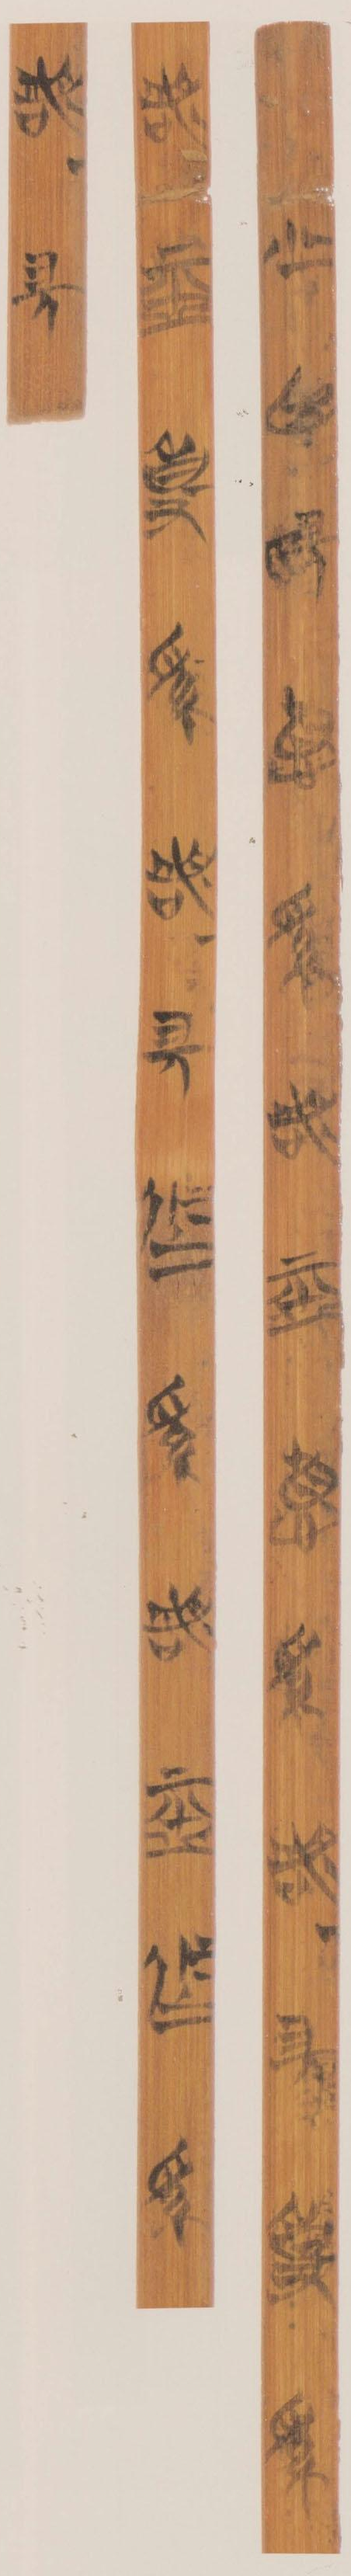少臣{女𡵂}惪奚若亞惪奚若𡵂事奚若亞事奚若𡵂{辶殳}奚若亞{辶殳}奚若𡵂
